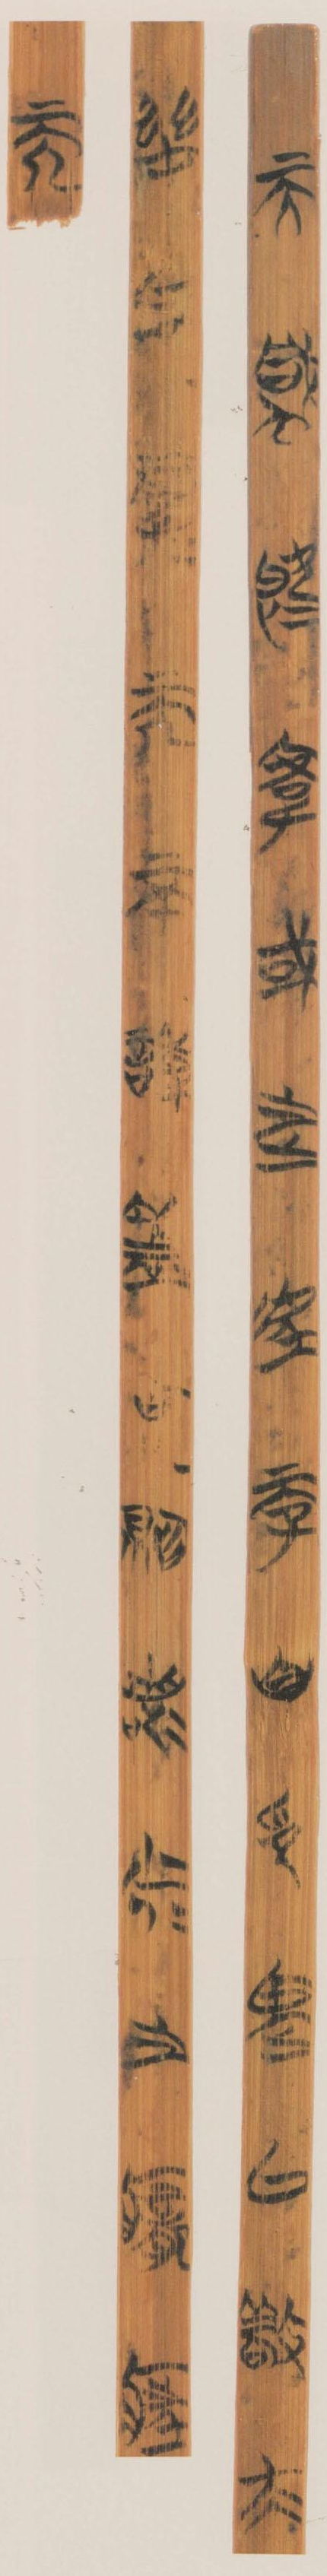天風既{宀韋}或{之止}𫊟{亓子}自印畏㠯（以）敬夫𪪋□君子=而不{言屮目牛}箸占則若小人=之{疒龍}{疒㞷}而
